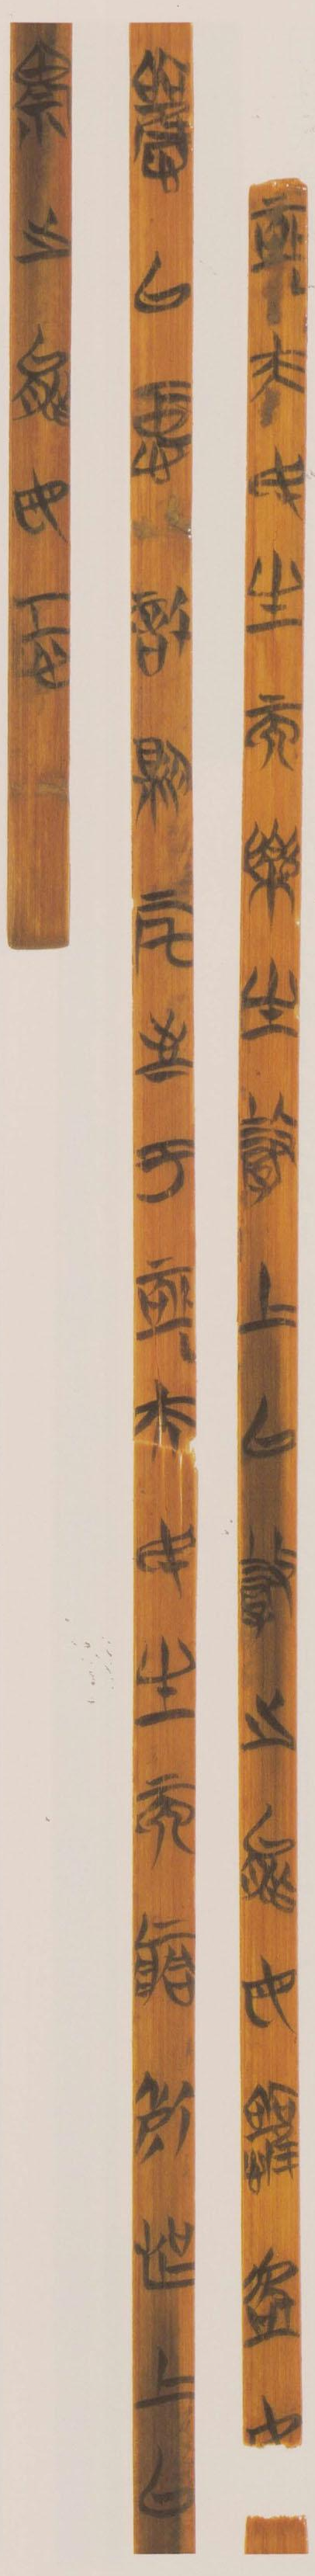亟夫民生而樂生{㱿子}上㠯（以）{㱿子}之能母懽唬女懽㠯（以）忠信則厇至于亟夫民生而痌死喪上㠯（以）{鬼示}之能母{工心}
